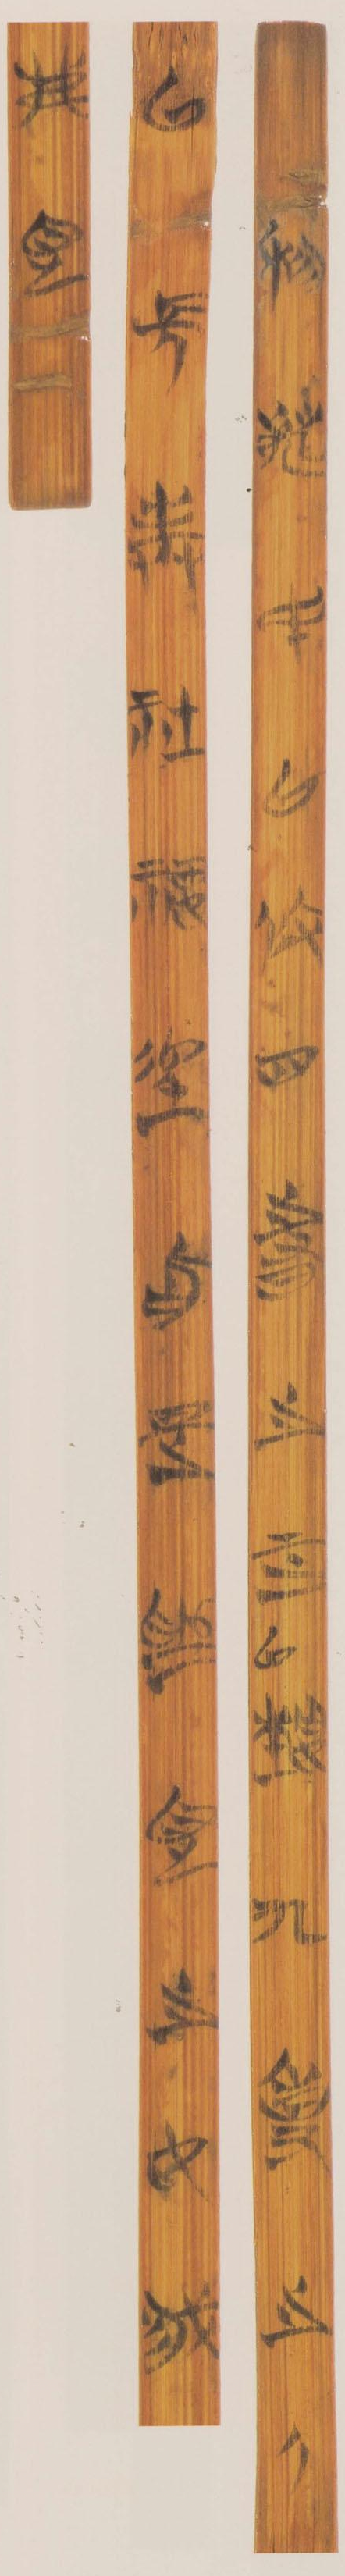利萬民㠯（以）攸四時之正㠯（以）埶九事之人㠯（以）長奉社禝𫊟此是爲見之女我弗見
